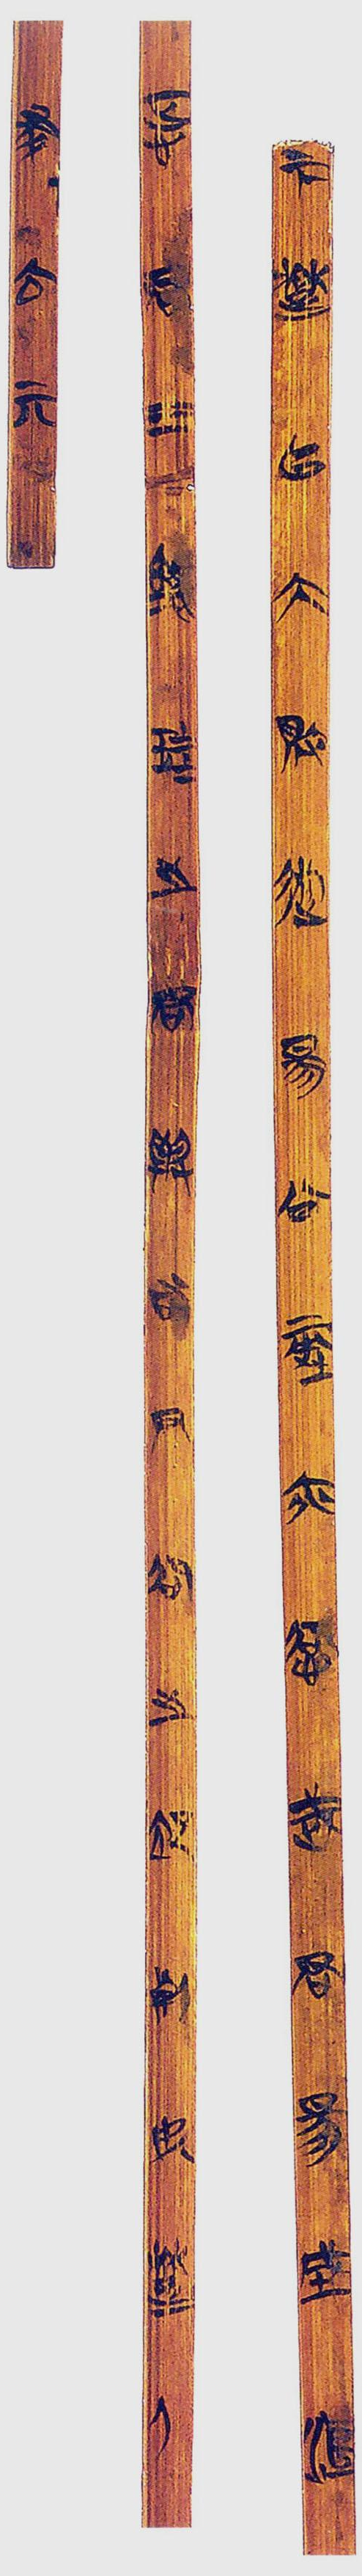下楚𠂤大敗{辶旅}昜公坪亦{卲心}武君昜城洹{正心}君三執珪之君與右尹卲之{立巳}死𡚦楚人𦘔{勹厶}亓
